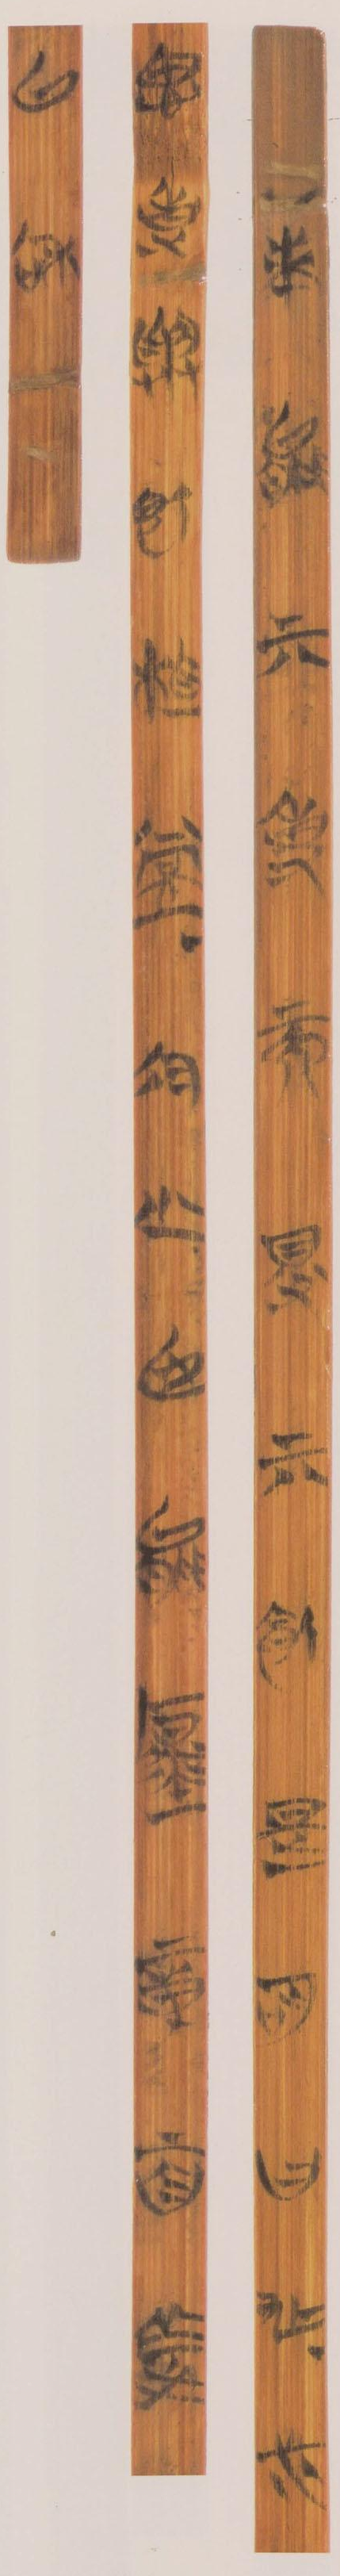未能亓事而𠭁亓飤是名曰喪必思事與飤相當今少臣能廛章百義㠯（以）和
